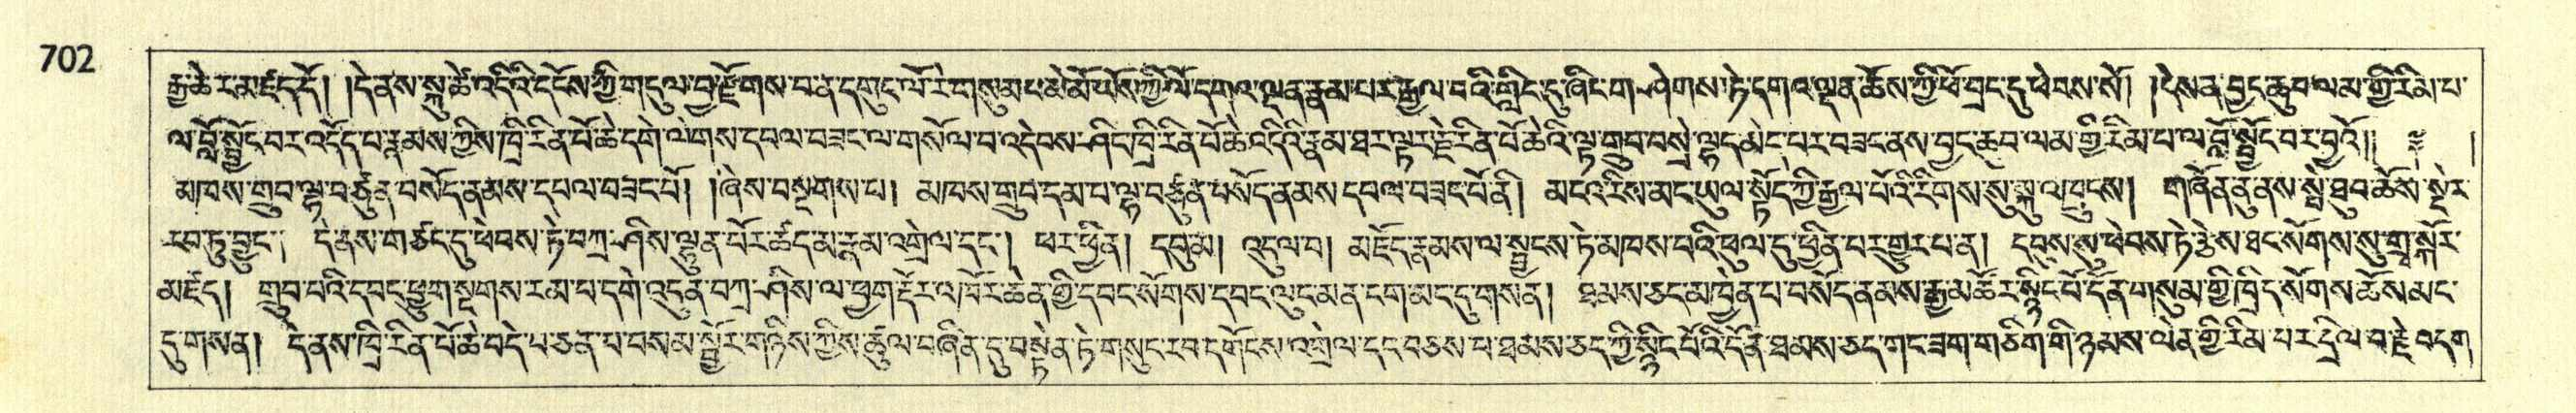རྒྱ་ཆེར་མཛད་དོ། །དེ་ནས་སྐུ་ཚེ་འདིའི་དངོས་ཀྱི་གདུལ་བྱ་རྫོགས་བ་ན་དགུང་ལོ་རེ་གསུམ་པ་མེ་མོ་ཡོས་ཀྱི་ལོ་དགའ་ལྡན་རྣམ་པར་རྒྱལ་བའི་གླིང་དུ་ཞིང་གཤེགས་ཏེ་དགའ་ལྡན་ཆོས་ཀྱི་ཕོ་བྲང་དུ་ཕེབས་སོ། །དེས་ན་བྱང་ཆུབ་ལམ་གྱི་རིམ་པ་
ལ་བློ་སྦྱོང་བར་འདོད་པ་རྣམས་ཀྱིས་ཁྲི་རིན་པོ་ཆེ་དགེ་ལེགས་དཔལ་བཟང་ལ་གསོལ་བ་འདེབས་ཤིང་ཁྲི་རིན་པོ་ཆེ་འདིའི་རྣམ་ཐར་ལྟར་རྗེ་རིན་པོ་ཆེའི་ལྟ་གྲུབ་བསྲེ་ལྷད་མེད་པར་བཟང་ནས་བྱང་ཆུབ་ལམ་གྱི་རིམ་པ་ལ་བློ་སྦྱོང་བར་བྱའོ།། ༈ །
མཁས་གྲུབ་ལྷ་བཙུན་བསོད་ནམས་དཔལ་བཟང་པོ། །ཞེས་བསྔགས་པ། མཁས་གྲུབ་དམ་པ་ལྷ་བཙུན་བསོད་ནམས་དཔལ་བཟང་པོ་ནི། མངའ་རིས་མང་ཡུལ་སྟོད་ཀྱི་རྒྱལ་པོའི་རིགས་སུ་སྐུ་འཁྲུངས། གཞོན་ནུ་ནས་སྤེ་ཐུབ་ཆོས་སྔེར་
དུ་ཕེབས་ཏེ་བཀྲ་ཤིས་ལྷུན་པོར་ཚད་མ་རྣམས་འགྲེལ་དང་། ཕར་ཕྱིན། དབུ་མ། འདུལ་བ། མཛོད་རྣམས་ལ་སྦྱངས་ཏེ་མཁས་པའི་ཕུལ་དུ་ཕྱིན་པར་གྱུར་པ་ན། དབུས་སུ་ཕེབས་ཏེ་རྩེས་ཐང་སོགས་སུ་གྲྭ་སྐོར་
མཛད། གྲུབ་པའི་དབང་ཕྱུག་སྔགས་རམ་པ་དགེ་འདུན་བཀྲ་ཤིས་ལ་ཕྱག་རྡོར་འཁོར་ཆེན་གྱི་དབང་སོགས་དབང་ལུང་མན་ངག་མང་དུ་གསན། ཐམས་ཅད་མཁྱེན་པ་བསོད་ནམས་རྒྱ་མཚོར་སྙིང་བོ་དོན་གསུམ་གྱི་ཁྲིད་སོགས་ཆོས་མང་
དུ་གསན། དེ་ནས་ཁྲི་རིན་པོ་ཆེ་བདེ་པ་ཅན་པ་བསམ་སྦྱོར་གཉིས་ཀྱིས་ཚུལ་བཞིན་དུ་བསྟེན་ཏེ་གསུང་རབ་དགོངས་འགྲེལ་དང་བཅས་པ་ཐམས་ཅད་ཀྱི་སྙིང་བོའི་དོན་ཐམས་ཅད་གང་ཟག་གཅིག་གི་ཉམས་ལེན་གྱི་རིམ་པར་དྲིལ་བརྗེ་བདག་